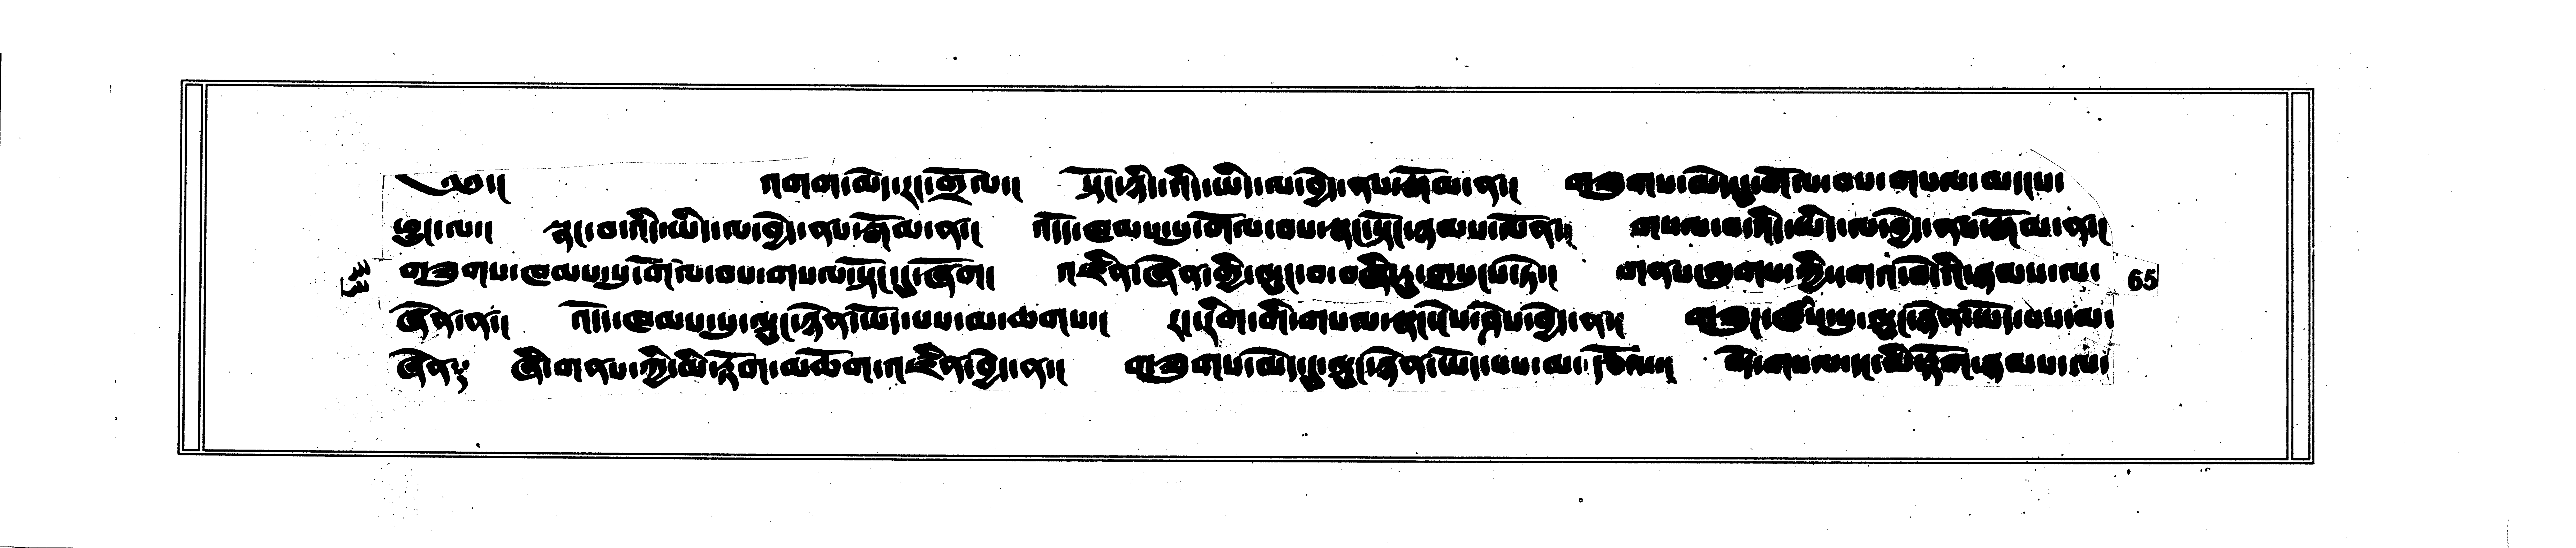འགག་མེད་རང་གྲོལ། །སྟོང་ཉིད་འདི་ཡིད་ལ་བྱེད་ནས་བསྒོམ་ན། །གཟུགས་མེད་དུ་གོལ་བས་གསལ་མདངས་
ཕྱུང་ལ། །སྣང་བ་འདི་ཡིད་ལ་བྱེད་ནས་བསྒོམ་ན། །འདོད་ཁམས་སུ་གོལ་བས་སྣང་སྟོང་ཉམས་བླང་། །གསལ་བ་འདི་ཡིད་ལ་བྱེད་ནས་བསྒོམས་ན། 
།གཟུགས་ཁམས་སུ་གོལ་བས་གསལ་སྟོང་དུ་ཞོག །འཛིན་ཞེན་གྱི་ལྟུང་བ་བཞི་རུ་གསུངས་ཏེ། །གནས་ལུགས་ཀྱི་དགའ་བདེའི་ཉམས་ལ་
ཞེན་ན། །འདོད་ཁམས་སུ་ལྷུང་ཉེན་ཡོད་པས་མ་ཆགས། །རང་རིག་གི་གསལ་སྣང་ངེས་ཤེས་བྱེད་ནས། །གཟུགས་ཁམས་སུ་ལྷུང་ཉེན་ཡོད་པས་མ་
ཞེན། །ཞི་གནས་ཀྱི་མི་རྟོག་མཆོག་འཛིན་བྱེད་ན། །གཟུགས་མེད་དུ་ལྷུང་ཉེན་ཡོད་པས་མ་རྩོལ། །བདེ་གསལ་དང་མི་རྟོགས་ཉམས་ལ་